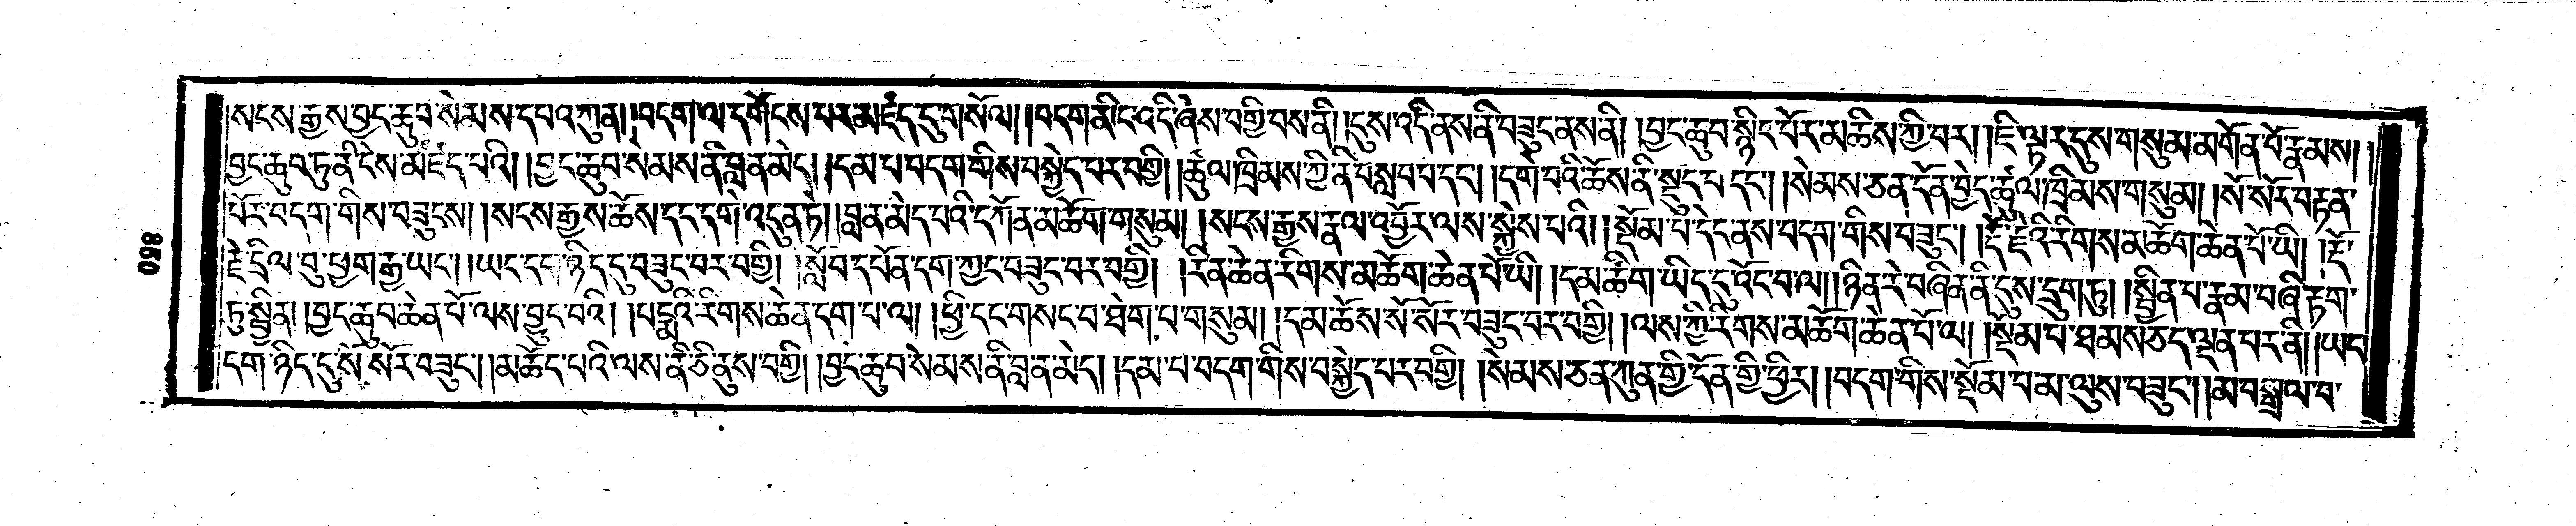སངས་རྒྱས་བྱང་ཆུབ་སེམས་དཔའ་ཀུན། །བདག་ལ་དགོངས་པར་མཛད་དུ་གསོལ། །བདག་མིང་འདི་ཞེས་བགྱི་བས་ནི། །དུས་འདི་ནས་ནི་བཟུང་ནས་ནི། །བྱང་ཆུབ་སྙིང་པོར་མཆིས་ཀྱི་བར། །ཇི་ལྟར་དུས་གསུམ་མགོན་པོ་རྣམས། །
བྱང་ཆུབ་ཏུ་ནི་ངེས་མཛད་པའི། །བྱང་ཆུབ་སེམས་ནི་བླ་ན་མེད། །དམ་པ་བདག་གིས་བསྐྱེད་པར་བགྱི། །ཚུལ་ཁྲིམས་ཀྱི་ནི་བསླབ་པ་དང་། །དགེ་བའི་ཆོས་ནི་སྡུད་པ་དང་། །སེམས་ཅན་དོན་བྱེད་ཚུལ་ཁྲིམས་གསུམ། །སོ་སོར་བརྟན་
པོར་བདག་གིས་བཟུངས། །སངས་རྒྱས་ཆོས་དང་དགེ་འདུན་ཏེ། །བླ་ན་མེད་པའི་དཀོན་མཆོག་གསུམ། །སངས་རྒྱས་རྣལ་འབྱོར་ལས་སྐྱེས་པའི། །སྡོམ་པ་དེང་ནས་བདག་གིས་བཟུང་། །རྡོ་རྗེའི་རིགས་མཆོག་ཆེན་པོ་ཡི། །རྡོ་
རྗེ་དྲིལ་བུ་ཕྱག་རྒྱ་ཡང་། །ཡང་དག་ཉིད་དུ་བཟུང་བར་བགྱི། །སློབ་དཔོན་དག་ཀྱང་བཟུང་བར་བགྱི། །རིན་ཆེན་རིགས་མཆོག་ཆེན་པོ་ཡི། །དམ་ཚིག་ཡིད་དུ་འོང་བ་ལ། །ཉིན་རེ་བཞིན་ནི་དུས་དྲུག་ཏུ། །སྦྱིན་པ་རྣམ་བཞི་རྟག་
ཏུ་སྦྱིན། །བྱང་ཆུབ་ཆེན་པོ་ལས་བྱུང་བའི། །པདམའི་རིགས་ཆེན་དག་པ་ལ། །ཕྱི་དང་གསང་བ་ཐེག་པ་གསུམ། །དམ་ཆོས་སོ་སོར་བཟུང་བར་བགྱི། །ལས་ཀྱི་རིགས་མཆོག་ཆེན་པོ་ལ། །སྡོམ་པ་ཐམས་ཅད་ལྡན་པར་ནི། །ཡང་
དག་ཉིད་དུ་སོ་སོར་བཟུང་། །མཆོད་པའི་ལས་ནི་ཅི་ནུས་བགྱི། །བྱང་ཆུབ་སེམས་ནི་བླ་ན་མེད། །དམ་པ་བདག་གིས་བསྐྱེད་པར་བགྱི། །སེམས་ཅན་ཀུན་གྱི་དོན་གྱི་ཕྱིར། །བདག་གིས་སྡོམ་པ་མ་ལུས་བཟུང་། །མ་བསྒྲལ་བ་